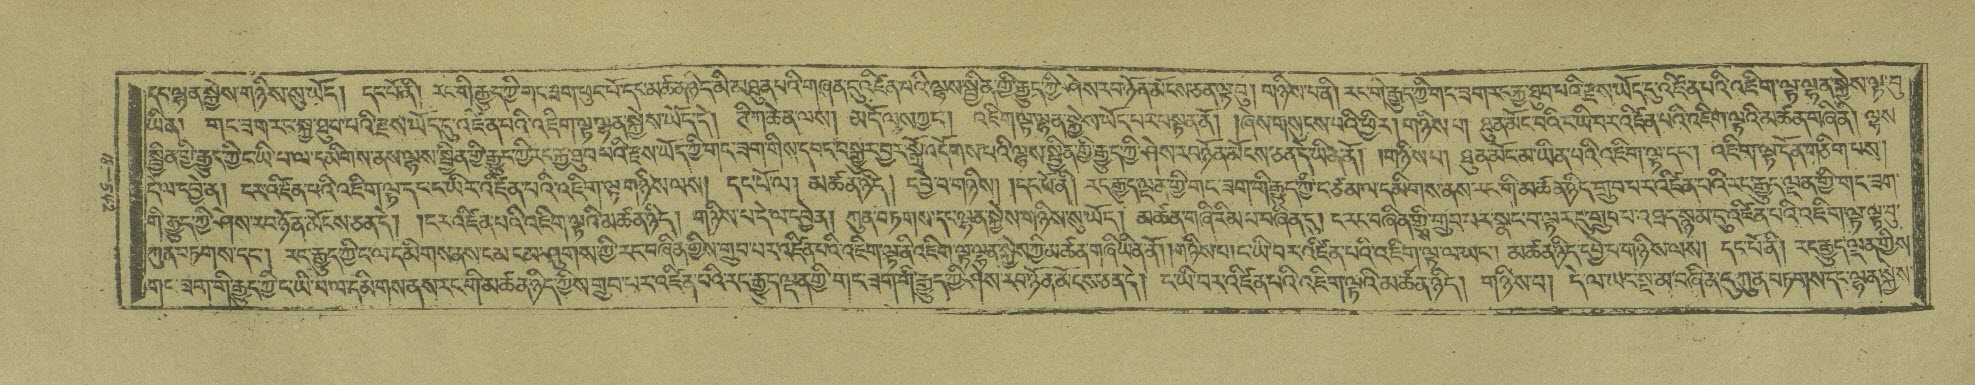དང་ལྷན་སྐྱེས་གཉིས་སུ་ཡོད། དང་པོ་ནི། རང་གི་རྒྱུད་ཀྱི་གང་ཟག་ཕུང་པོ་དང་མཚན་ཉིད་མི་མཐུན་པའི་གཞན་དུ་འཛིན་པའི་ལྷས་སྦྱིན་གྱི་རྒྱུད་ཀྱི་ཤེས་རབ་ཉོན་མོངས་ཅན་ལྟ་བུ། གཉིས་པ་ནི། རང་གི་རྒྱུད་ཀྱི་གང་ཟག་རང་རྐྱ་ཐུབ་པའི་རྫས་ཡོད་དུ་འཛིན་པའི་འཇིག་ལྟ་ལྷན་སྐྱེས་ལྟ་བུ་
ཡིན། གང་ཟག་རང་སྐྱ་ཐུབ་པའི་རྫས་ཡོད་དུ་འཛིན་པའི་འཇིག་ལྟ་ལྷན་སྐྱེས་ཡོད་དེ། ཊིཀ་ཆེན་ལས། མདོ་ལས་ཀྱང་། འཇིག་ལྟ་ལྷན་སྐྱེས་ཡོད་པར་བསྟན་ནོ། །ཞེས་གསུངས་པའི་ཕྱིར། གཉིས་པ། ཐུན་མོང་བའི་ང་ཡི་བར་འཛིན་པའི་འཇིག་ལྟའི་མཚན་གཞི་ནི། ལྷས་
སྦྱིན་གྱི་རྒྱུད་ཀྱི་ང་ཡི་པ་ལ་དམིགས་ནས་ལྷས་སྦྱིན་གྱི་རྒྱུད་ཀྱི་རང་རྐྱ་ཐུབ་པའི་རྫས་ཡོད་ཀྱི་གང་ཟག་གིས་དབང་བསྒྱུར་བྱར་སྒྲོ་འདོགས་པའི་ལྷས་སྦྱིན་གྱི་རྒྱུད་ཀྱི་ཤེས་རབ་ཉོན་མོངས་ཅན་དེ་ཡིན་ནོ། །གཉིས་པ། ཐུན་མོང་མ་ཡིན་པའི་འཇིག་ལྟ་དང་། འཇིག་ལྟ་དོན་གཅིག་པས།
དེ་ལ་དབྱེ་ན། ངར་འཛིན་པའི་འཇིག་ལྟ་དང་ང་ཡིར་འཛིན་པའི་འཇིག་ལྟ་གཉིས་ལས། དང་པོ་ལ། མཚན་ཉིད། དབྱེ་བ་གཉིས། །དང་པོ་ནི། རང་རྒྱུད་ལྡན་གྱི་གང་ཟག་གི་རྒྱུད་ཀྱི་ང་ཙམ་ལ་དམིགས་ནས་རང་གི་མཚན་ཉིད་གྲུབ་པར་འཛིན་པའི་རང་རྒྱུད་ལྡན་གྱི་གང་ཟག་
གི་རྒྱུད་ཀྱི་ཤེས་རབ་ཉོན་མོངས་ཅན་དེ། །ངར་འཛིན་པའི་འཇིག་ལྟའི་མཚན་ཉིད། གཉིས་པ་དེ་ལ་དབྱེ་ན། ཀུན་བཏགས་དང་ལྷན་སྐྱེས་གཉིས་སུ་ཡོད། མཚན་གཞི་རིམ་པ་བཞིན་དུ། ང་རང་བཞིན་གྱིས་གྲུབ་པར་སྣང་བ་ལྟར་དུ་གྲུབ་པ་འཐད་སྙམ་དུ་འཛིན་པའི་འཇིག་ལྟ་ལྟ་བུ་
ཀུན་བཏགས་དང་། རང་རྒྱུད་ཀྱི་ང་ལ་དམིགས་ནས་ངམ་ངམ་ཤུགས་ཀྱི་རང་བཞིན་གྱིས་གྲུབ་པར་འཛིན་པའི་འཇིག་ལྟ་ནི་འཇིག་ལྟ་ལྷན་སྐྱེས་ཀྱི་མཚན་གཞི་ཡིན་ནོ། །གཉིས་པ། ང་ཡི་བར་འཛིན་པའི་འཇིག་ལྟ་ལ་ཡང་། མཚན་ཉིད་དབྱེ་བ་གཉིས་ལས། དང་པོ་ནི། རང་རྒྱུད་ལྡན་གྱིས་
གང་ཟག་གི་རྒྱུད་ཀྱི་ང་ཡི་པ་ལ་དམིགས་ནས་རང་གི་མཚན་ཉིད་ཀྱིས་གྲུབ་པར་འཛིན་པའི་རང་རྒྱུད་ལྡན་གྱི་གང་ཟག་གི་རྒྱུད་ཀྱི་ཤེས་རབ་ཉོན་མོངས་ཅན་དེ། ང་ཡི་བར་འཛིན་པའི་འཇིག་ལྟའི་མཚན་ཉིད། གཉིས་པ། དེ་ལ་ཡང་སྔ་མ་བཞིན་དུ་ཀུན་བཏགས་དང་ལྷན་སྐྱེས་